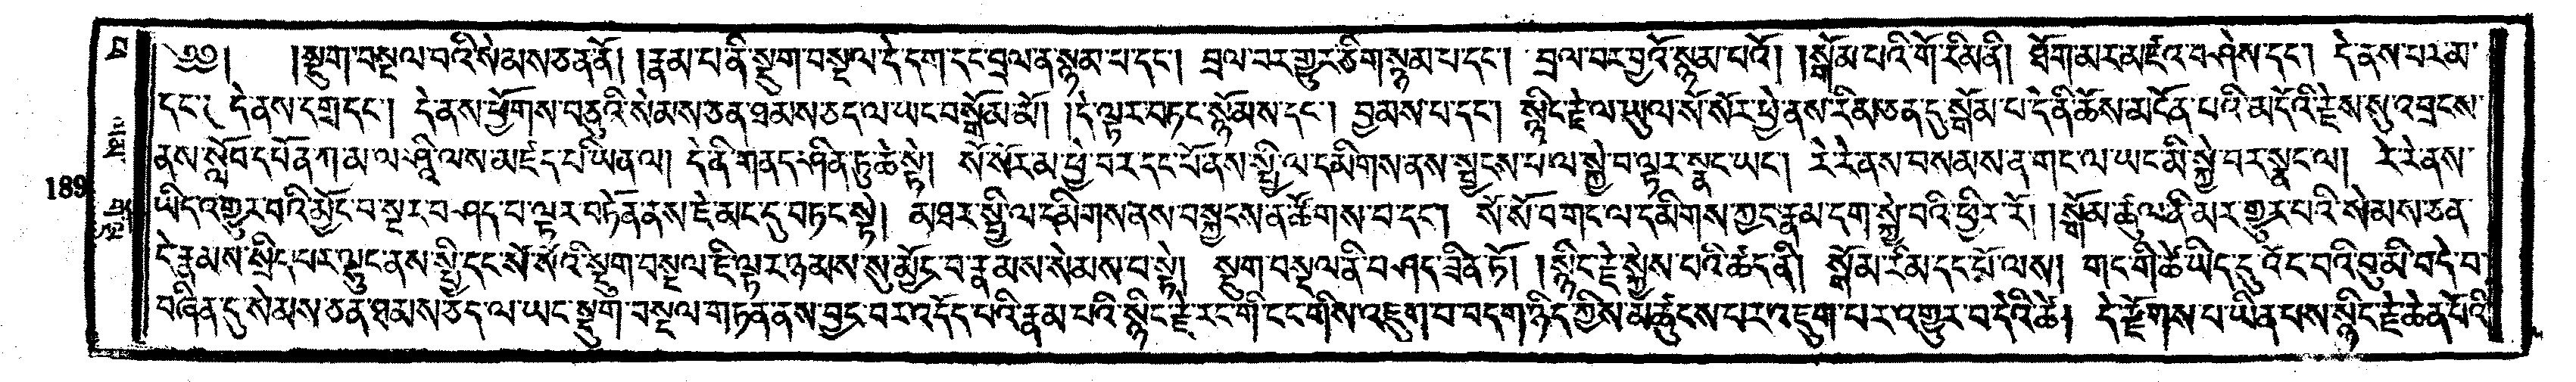༄༅། །སྡུག་བསྔལ་བའི་སེམས་ཅན་ནོ། །རྣམ་པ་ནི་སྡུག་བསྔལ་དེ་དག་དང་བྲལ་ན་སྙམ་པ་དང་། བྲལ་བར་གྱུར་ཅིག་སྙམ་པ་དང་། བྲལ་བར་བྱའོ་སྙམ་པའོ། །སྒོམ་པའི་གོ་རིམ་ནི། ཐོག་མར་མཛའ་བཤེས་དང་། དེ་ནས་པར་མ་
དང༑ དེ་ནས་དགྲ་དང་། དེ་ནས་ཕྱོགས་བཅུའི་སེམས་ཅན་ཐམས་ཅད་ལ་ཡང་བསྒོམ་མོ། །དེ་ལྟར་བཏང་སྙོམས་དང་། བྱམས་པ་དང་། སྙིང་རྗེ་ལ་ཡུལ་ལ་སོ་སོར་ཕྱེ་ནས་རིམ་ཅན་དུ་སྒོམ་པ་དེ་ནི་ཆོས་མངོན་པའི་མདོའི་རྗེས་སུ་འབྲངས་
ནས་སློབ་དཔོན་ཀ་མ་ལ་ཤཱི་ལས་མཛད་པ་ཡིན་ལ། དེ་ནི་གནད་ཤིན་ཏུ་ཆེ་སྟེ། སོ་སོར་མ་ཕྱེ་བར་དང་པོ་ནས་སྤྱི་ལ་དམིགས་ནས་སྦྱངས་པ་ལ་སྐྱེ་བ་ལྟར་སྣང་ཡང་། རེ་རེ་ནས་བསམས་ན་གང་ལ་ཡང་མི་སྐྱེ་བར་སྣང་ལ། རེ་རེ་ནས་
ཡིད་འགྱུར་བའི་མྱོང་བ་སྔར་བཤད་བ་ལྟར་བཏོན་ནས་ཇེ་མང་དུ་བཏང་སྟེ། མཐར་སྤྱི་ལ་དམིགས་ནས་བསྐྱངས་ན་ཚོགས་བ་དང་། སོ་སོ་བ་གང་ལ་དམིགས་ཀྱང་རྣམ་དག་སྐྱེ་བའི་ཕྱིར་རོ། །སྒོམ་ཚུལ་ནི་མར་གྱུར་པའི་སེམས་ཅན་
དེ་རྣམས་སྲིད་པར་ལྷུང་ནས་སྤྱི་དང་སོ་སོའི་སྡུག་བསྔལ་ཇི་ལྟར་ཉམས་སུ་མྱོང་བ་རྣམས་སེམས་པ་སྟེ། སྡུག་བསྔལ་ནི་བཤད་ཟིན་ཏོ། །སྙིང་རྗེ་སྐྱེས་པའི་ཚད་ནི། སྒོམ་རིམ་དང་པོ་ལས། གང་གི་ཚེ་ཡིད་དུ་འོང་བའི་བུ་མི་བདེ་བ་
བཞིན་དུ་སེམས་ཅན་ཐམས་ཅད་ལ་ཡང་སྡུག་བསྔལ་གཏན་ནས་བྱང་བར་འདོད་པའི་རྣམ་པའི་སྙིང་རྗེ་རང་གི་ངང་གིས་འཇུག་བ་བདག་ཉིད་ཀྱིས་མཚུངས་པར་འཇུག་པར་འགྱུར་བ་དེའི་ཚེ། དེ་རྫོགས་པ་ཡིན་པས་སྙིང་རྗེ་ཆེན་པོའི་